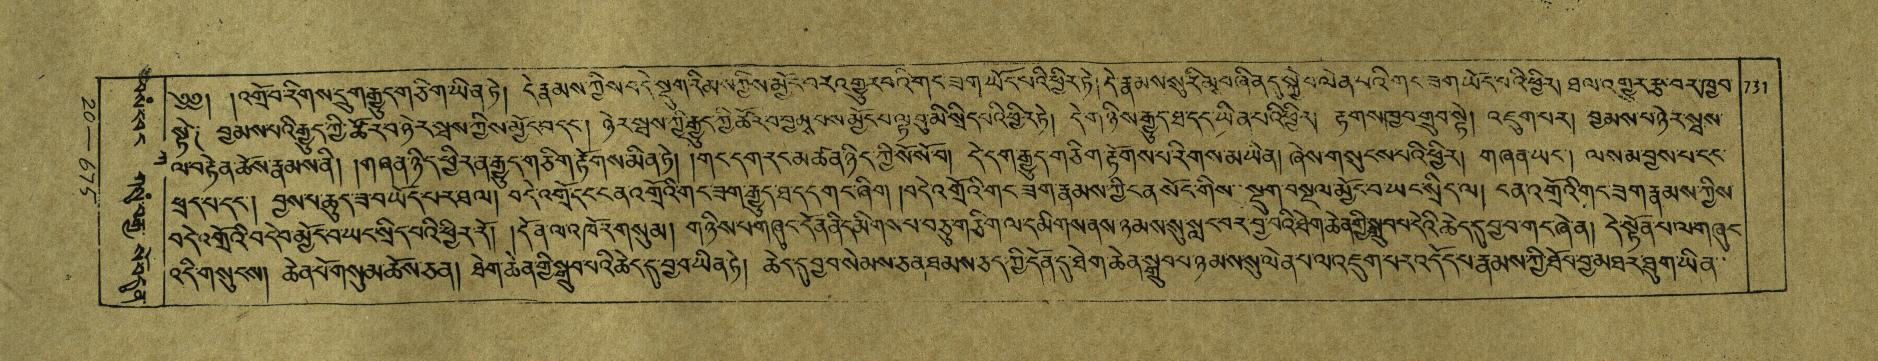༄༅། །འགྲོ་བ་རིགས་དྲུག་རྒྱུད་གཅིག་ཡིན་ཏེ། དེ་རྣམས་ཀྱིས་བདེ་སྡུག་རིམས་ཀྱིས་མྱོང་བར་འགྱུར་བའི་གང་ཟག་ཡོད་པའི་ཕྱིར་ཏེ། དེ་རྣམས་སུ་རིམས་བཞིན་དུ་སྐྱེ་བ་ལེན་པའི་གང་ཟག་ཡོད་པའི་ཕྱིར། ཐལ་འགྱུར་རྩ་བར་ཁྱབ་
སྟེ༑ བྱམས་པའི་རྒྱུད་ཀྱི་ཚོར་བ་ཉེར་སྦས་ཀྱིས་མྱོང་བ་དང་། ཉེར་སྦས་ཀྱི་རྒྱུད་ཀྱི་ཚོར་བ་བྱམས་པས་མྱོང་བ་ལྟ་བུ་མི་སྲིད་པའི་ཕྱིར་ཏེ། དེ་གཉིས་རྒྱུད་ཐ་དད་ཡིན་པའི་ཕྱིར། རྟགས་ཁྱབ་གྲུབ་སྟེ། འཇུག་པར། བྱམས་པ་ཉེར་སྦས་
ལ་བརྟེན་ཆོས་རྣམས་ནི། །གཞན་ཉིད་ཕྱིར་ན་རྒྱུད་གཅིག་རྟོགས་མིན་ཏེ། །གང་དག་རང་མཚན་ཉིད་ཀྱི་སོ་སོ་བ། དེ་དག་རྒྱུད་གཅིག་རྟོགས་པ་རིགས་མ་ཡིན། ཞེས་གསུངས་པའི་ཕྱིར། གཞན་ཡང་། ལས་མ་བྱས་པ་དང་
ཕྲད་པ་དང་། བྱས་པ་ཆུད་ཟ་བ་ཡོད་པར་ཐལ། བདེ་འགྲོ་དང་ངན་འགྲོའི་གང་ཟག་རྒྱུད་ཐ་དད་གང་ཞིག། །བདེ་འགྲོའི་གང་ཟག་རྣམས་ཀྱི་ངན་སོང་གིས་སྡུག་བསྔལ་མྱོང་བ་ཡང་སྲིད་ལ། ངན་འགྲོའི་གང་ཟག་རྣམས་ཀྱིས་
བདེ་འགྲོའི་བདེབས་མྱོང་བ་ཡང་སྲིད་པའི་ཕྱིར་རོ། །དོན་ལ་འཁོར་གསུམ། གཉིས་པ་གཞུང་དོན་ནི་དམིགས་པ་བཅུ་གཅིག་ལ་དམིགས་ནས་ཉམས་སུ་སླང་བར་བྱ་པའི་ཐེག་ཆེན་གྱི་སྒྲུབ་པ་དེའི་ཆེད་དུ་བྱ་བ་གང་ཞེ་ན། དེ་སྟོན་པ་ལ་གཞུང་
འདི་གསུངས། ཆེན་པོ་གསུམ་ཆོས་ཅན། ཐེག་ཆེན་གྱི་སྒྲུབ་པའི་ཆེད་དུ་བྱ་བ་ཡིན་ཏེ། ཆེད་དུ་བྱ་བ་སེམས་ཅན་ཐམས་ཅད་ཀྱི་དོན་དུ་ཐེག་ཆེན་སྒྲུབ་པ་ཉམས་སུ་ལེན་པ་ལ་འཇུག་པར་འདོད་པ་རྣམས་ཀྱི་ཐོབ་བྱ་མཐར་ཐུག་ཡིན་